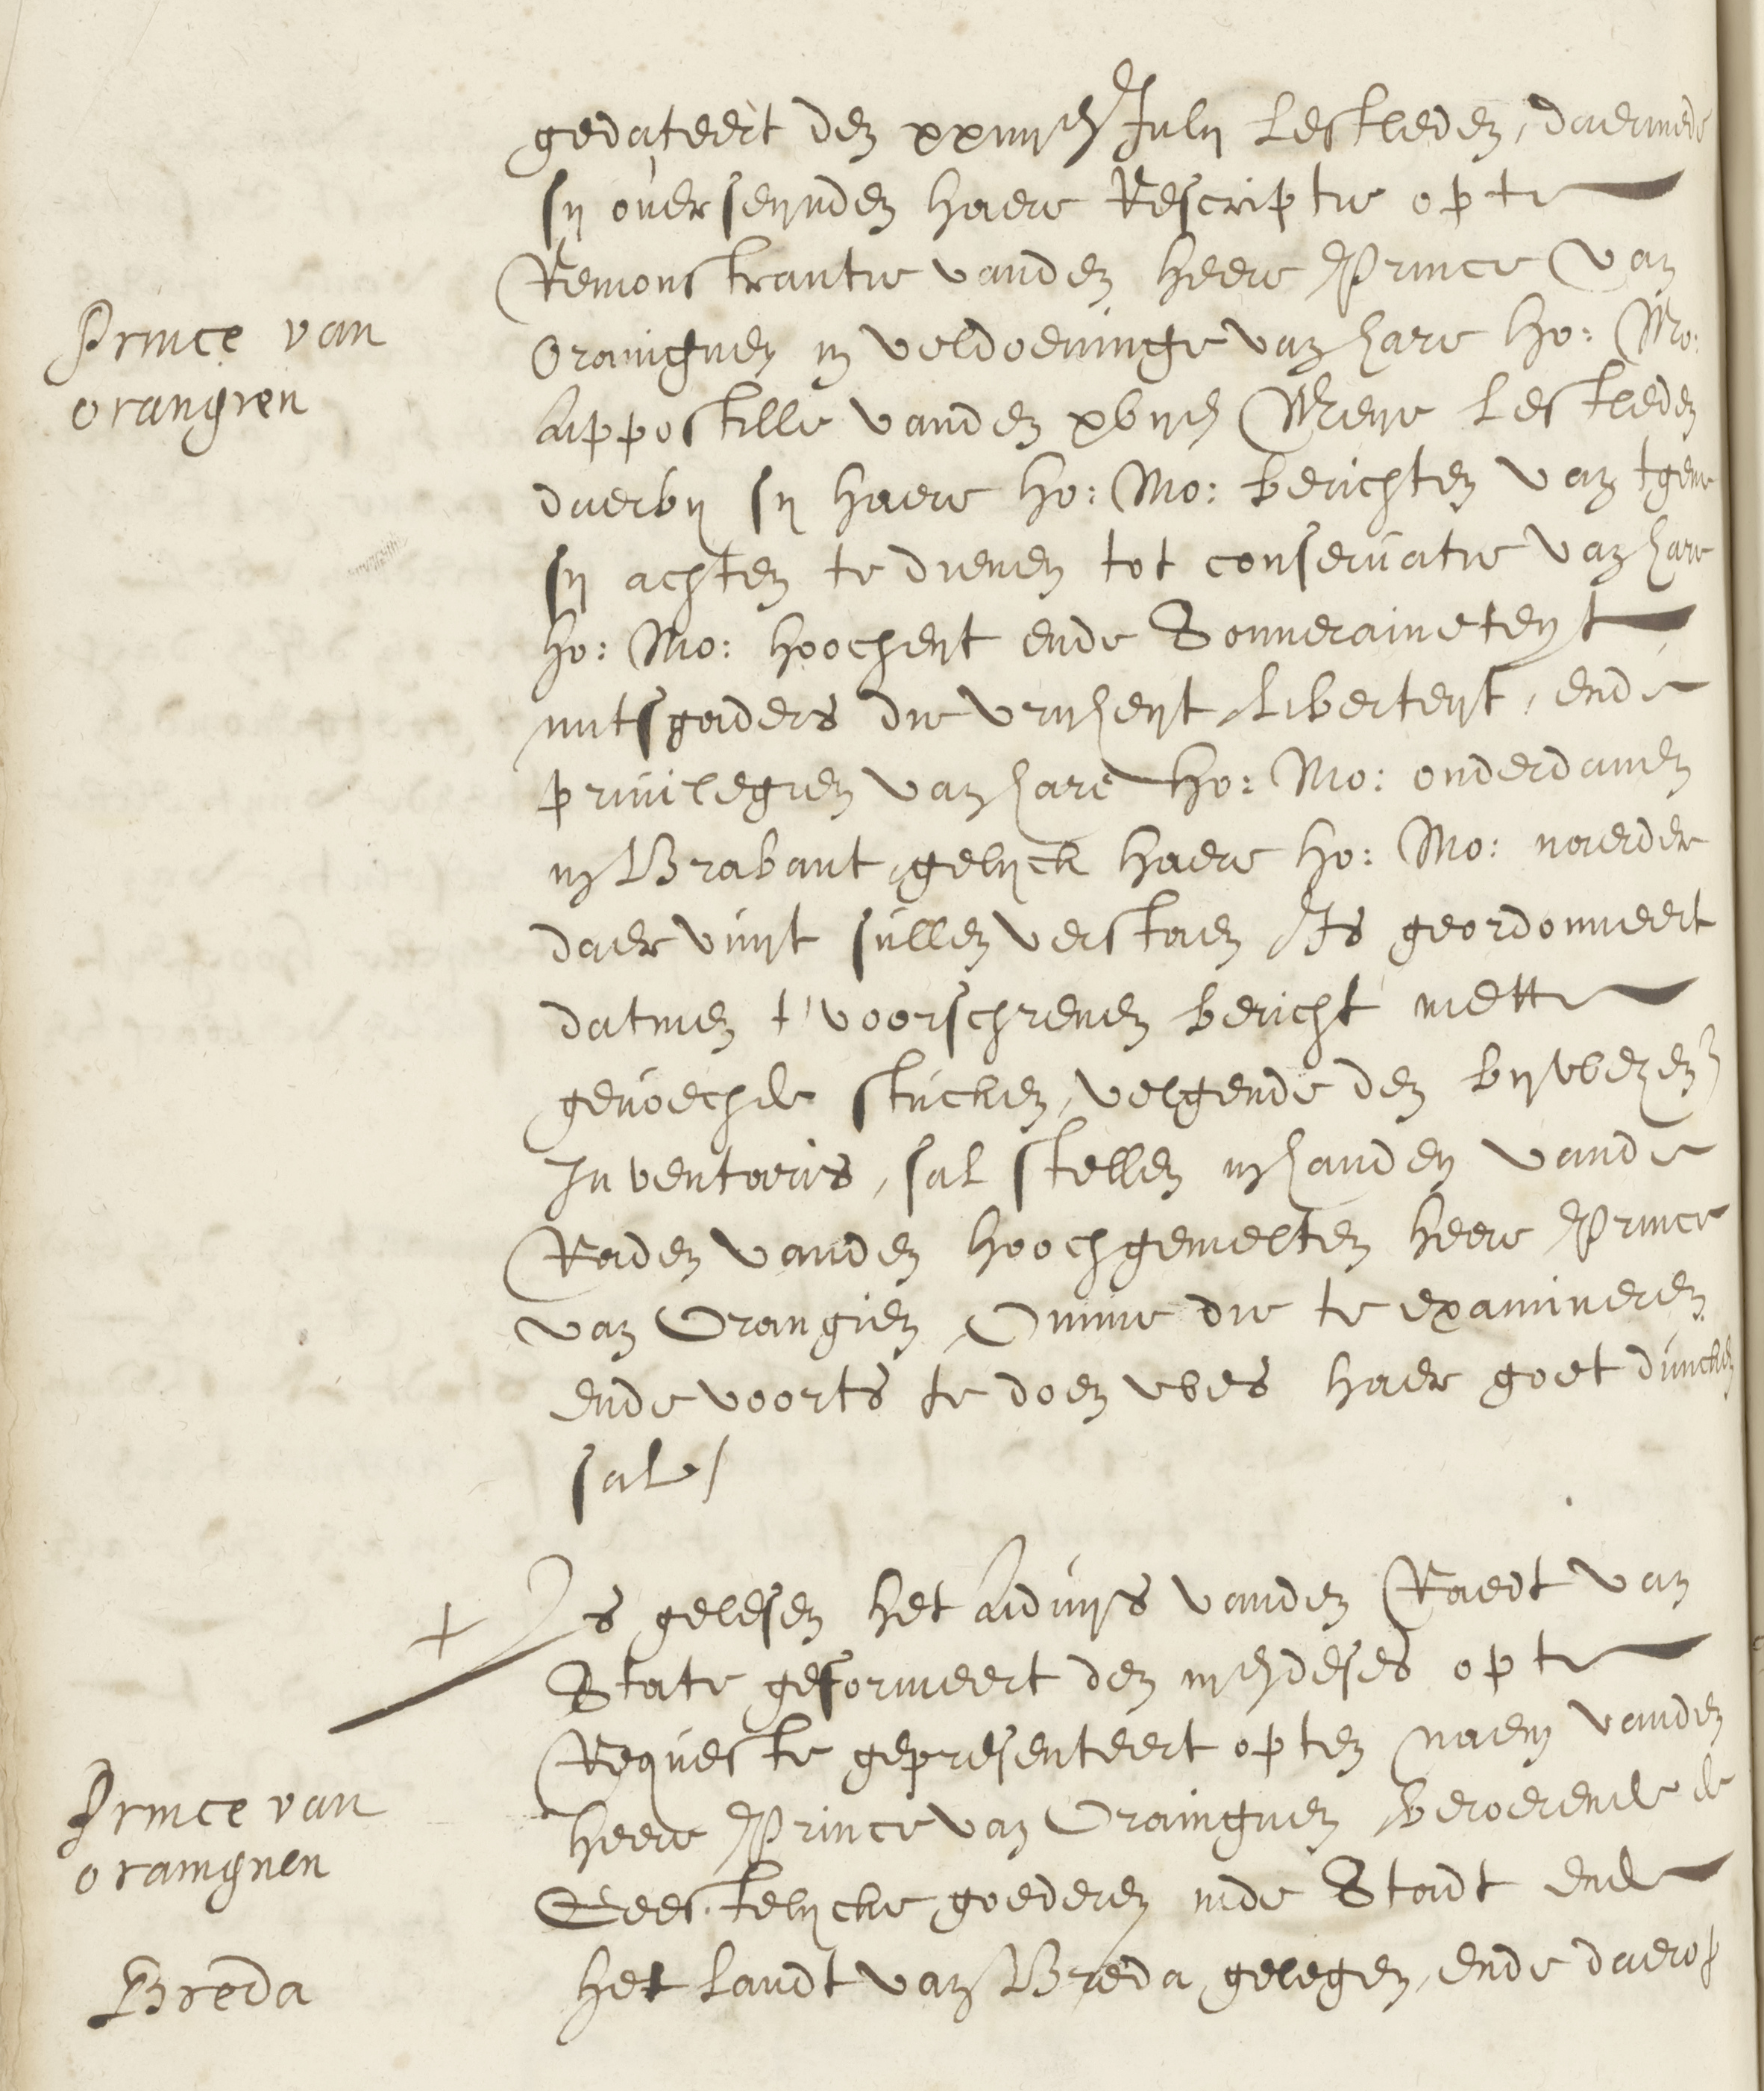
Prince van
orangien
gedateert den xxxiiiien July lestleden, daermede
sy ouerseynden haere Rescriptie opte
Remonstrantie vanden heere Prince van
Oranignen in voldoeninge van hare Ho:Mo:
appostille vanden xviien Meye lestleden
daerby sy haere ho:Mo: berichten van tgene
sy achten te dienen tot conseruatie van hare
ho:Mo: hoocheyt ende Souueraineteyt
mitsgaders die vryheyt, liberteyt, ende
priuilegien van hare ho:Mo: onderdanen
in Brabant gelyck haere ho:Mo: naerder
daer vuyt sullen verstaen Is geordonneert
datmen t‛voorschreuen bericht mette
geuoechde stucken, volgende den bywezen
In ventaris, sal stellen in handen vande
Raden vanden hoochgemelten heere Prince
van Orangien, Omme die te examineren
ende voorts te doen wes haer goet duncken
sal.
Prince van
oraingnen
Breda
Is gelesen het Aduys vanden Raedt van
State geformeert den iiien deses opte
Requeste gepresenteert opten naem vanden
heere Prince van Oraingnen beroerende de
Geestelycke goederen inde Stadt ende
het Landt van Breda gelegen, ende daerof
